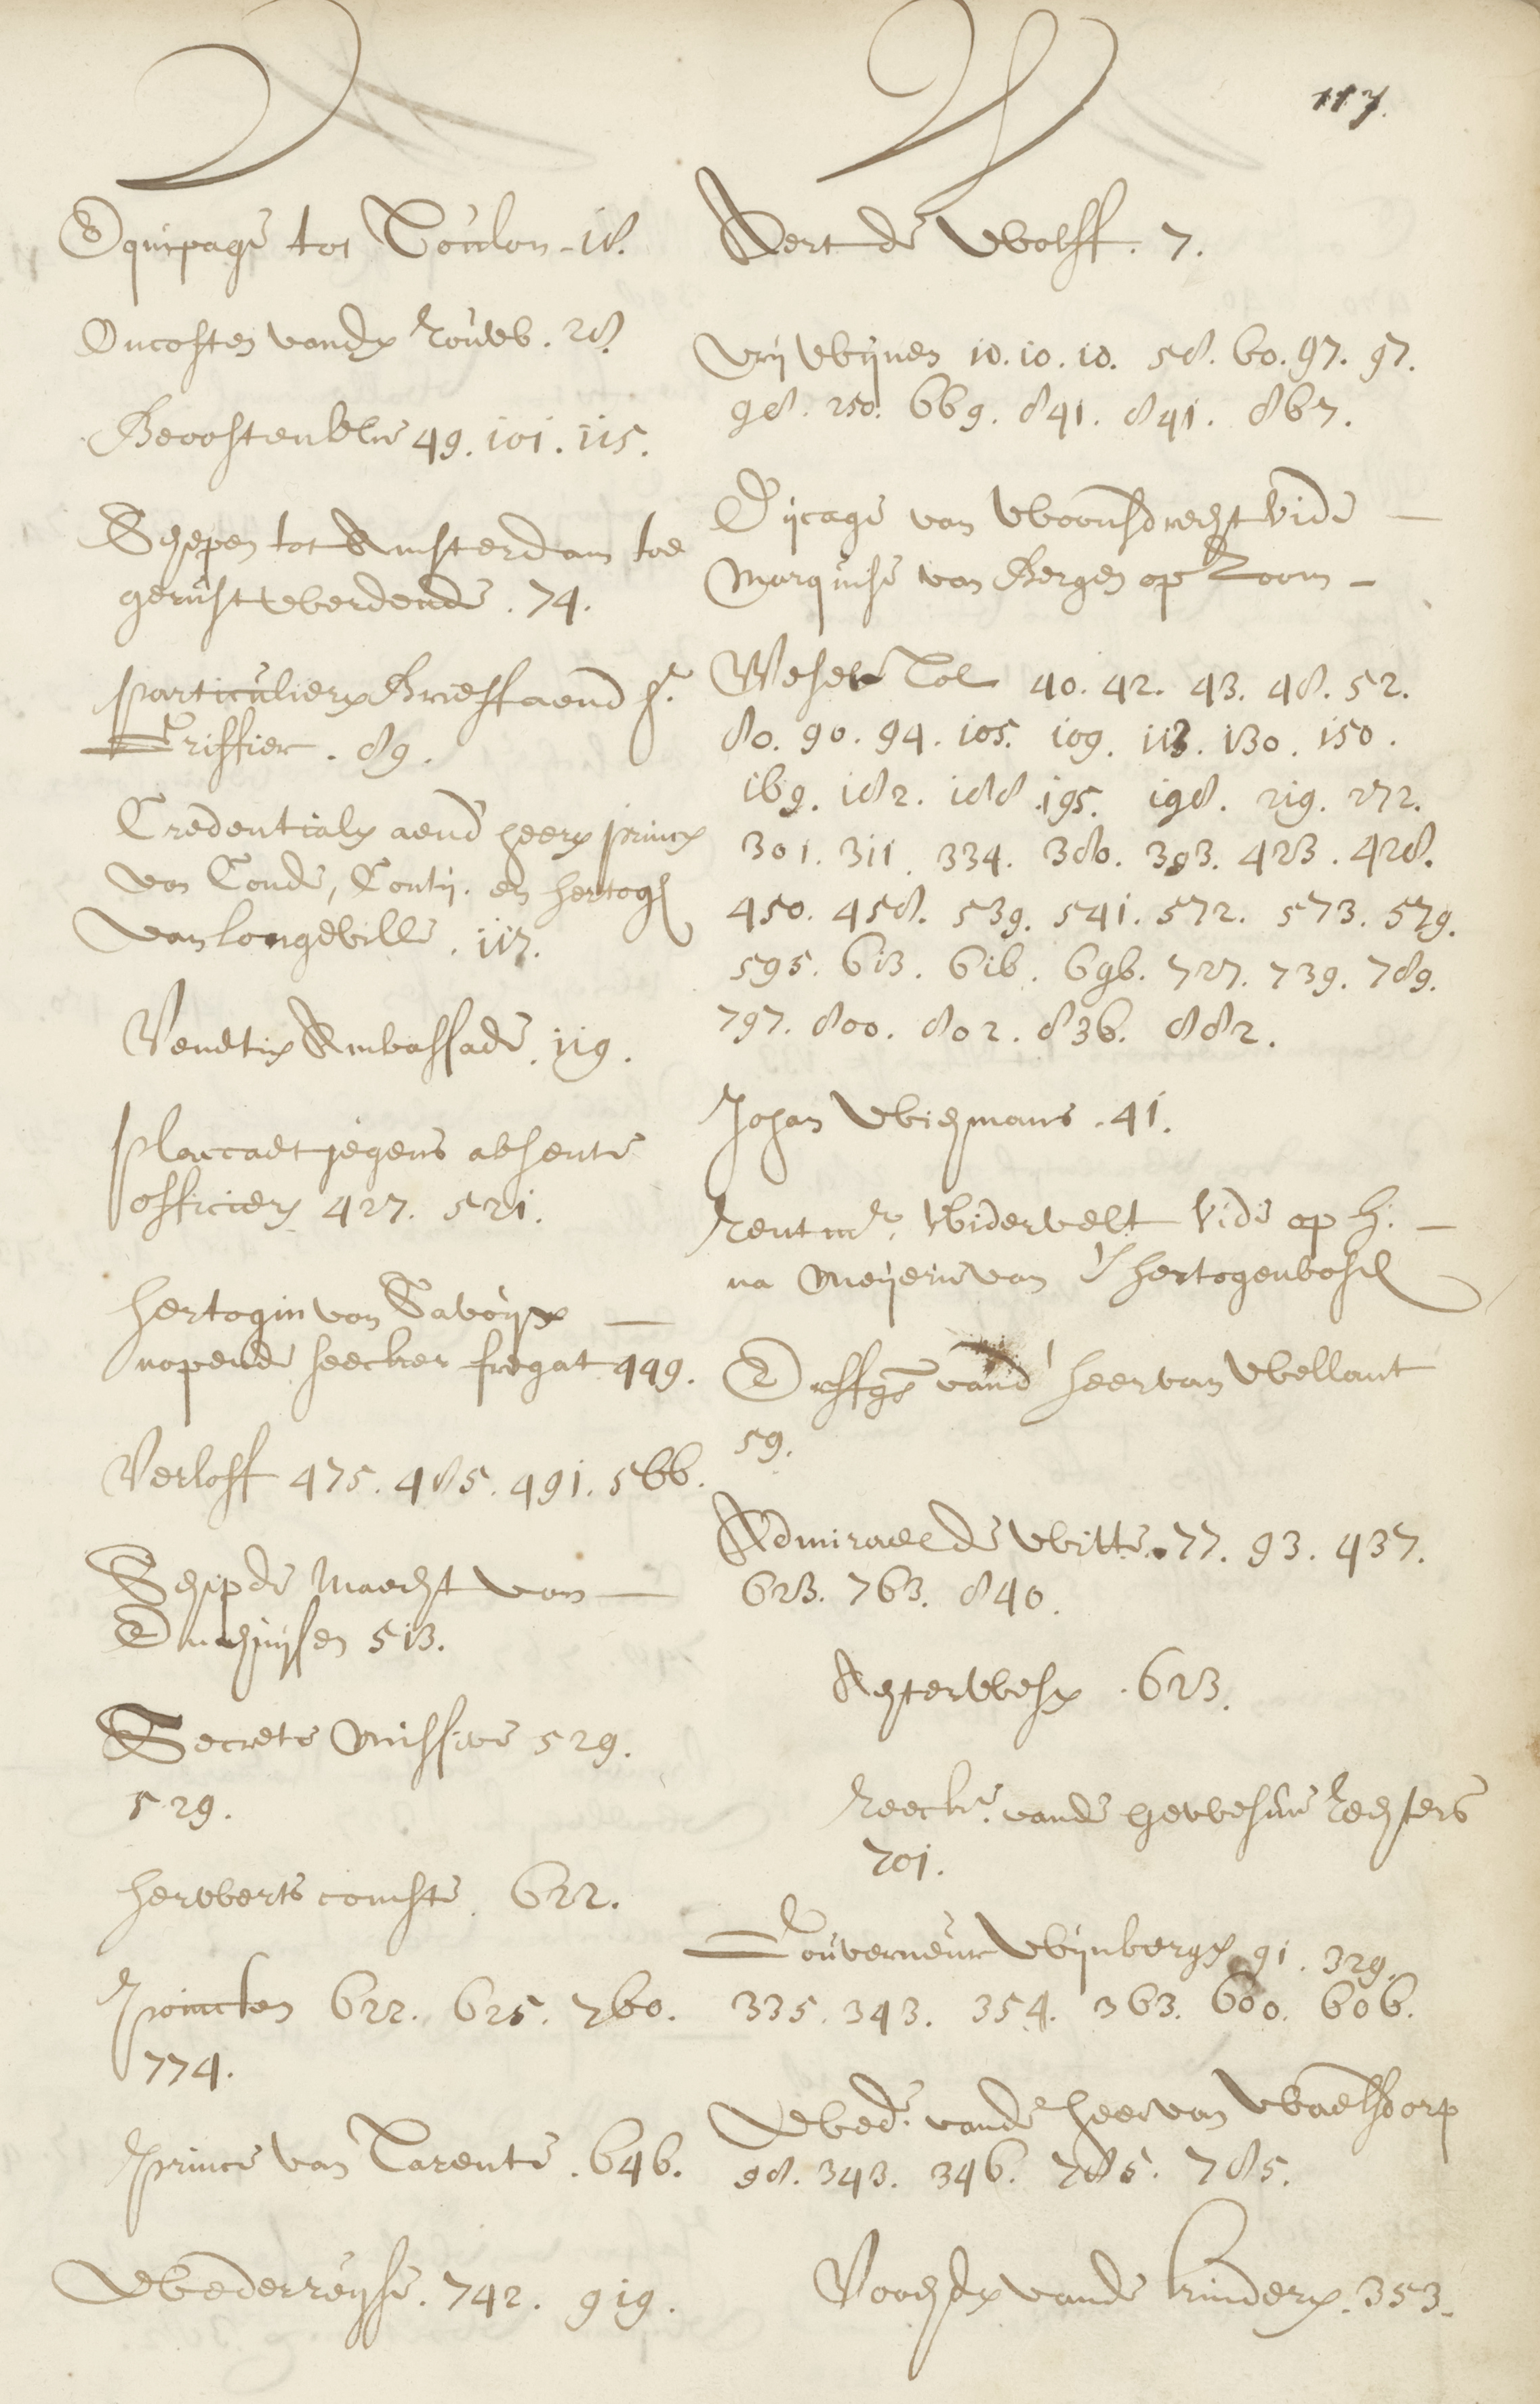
117
V
Equipage tot Toulon, 18.
Oncosten vanden rouw, 28.
Beoostenblie 49, 101, 115.
Schepen tot Amsterdam toe
gerust werdende, 74.
particulieren Brieff aend hr.
Griffier, 89.
Credentialen aend' heeren princen
van Conde, Contij, en hertogh
van longeville, 117.
Venetien Ambassade, 119.
Placcaet jegens absente
officieren, 427, 521.
hertogin van Savoyen
nopende seecker fregat, 449.
Verloff 475, 485, 491, 566.
Schip de maecht van
Enchuijsen 513.
Secrete missive 529.
529.
herwerts comste, 622.
Poincten 622, 625, 760,
774.
Prince van Tarente, 646.
wederreijse, 742, 919.
W
Aert de Wolff, 7.
vrij wijnen 10, 10, 10, 58, 60, 97, 97.
98, 250, 669, 841, 841, 867.
Dijcage van woonsdrecht bide
marquise van Bergen op Zoom -
Wesel Tol, 40, 42, 43, 48, 52,
80, 90, 94 105, 109, 113, 130, 150,
169, 182, 188, 195, 198, 219, 272,
301, 311, 334, 380, 393, 423, 428,
450, 458, 539, 541, 572, 573, 579,
595, 613, 616, 696, 727, 739, 789,
797, 800, 802, 836, 882.
Johan Wichmans, 41.
rentmr. Widervelt vide op h:
na Meijerie van 'shertogenbosch
Erffgs vand' heer van Wellant
59.
Admirael de Witte, 77, 93, 437,
623, 763, 840.
Achterwesen, 623.
reecke. vande gewesene rechters
701.
Gouverneur Wijnbergh 91, 329,
335, 343, 354, 363, 600, 606.
Wede. vande heer van Waelsdorp
98, 343, 346, 785, 785.
Voochden vande kinderen, 353.
